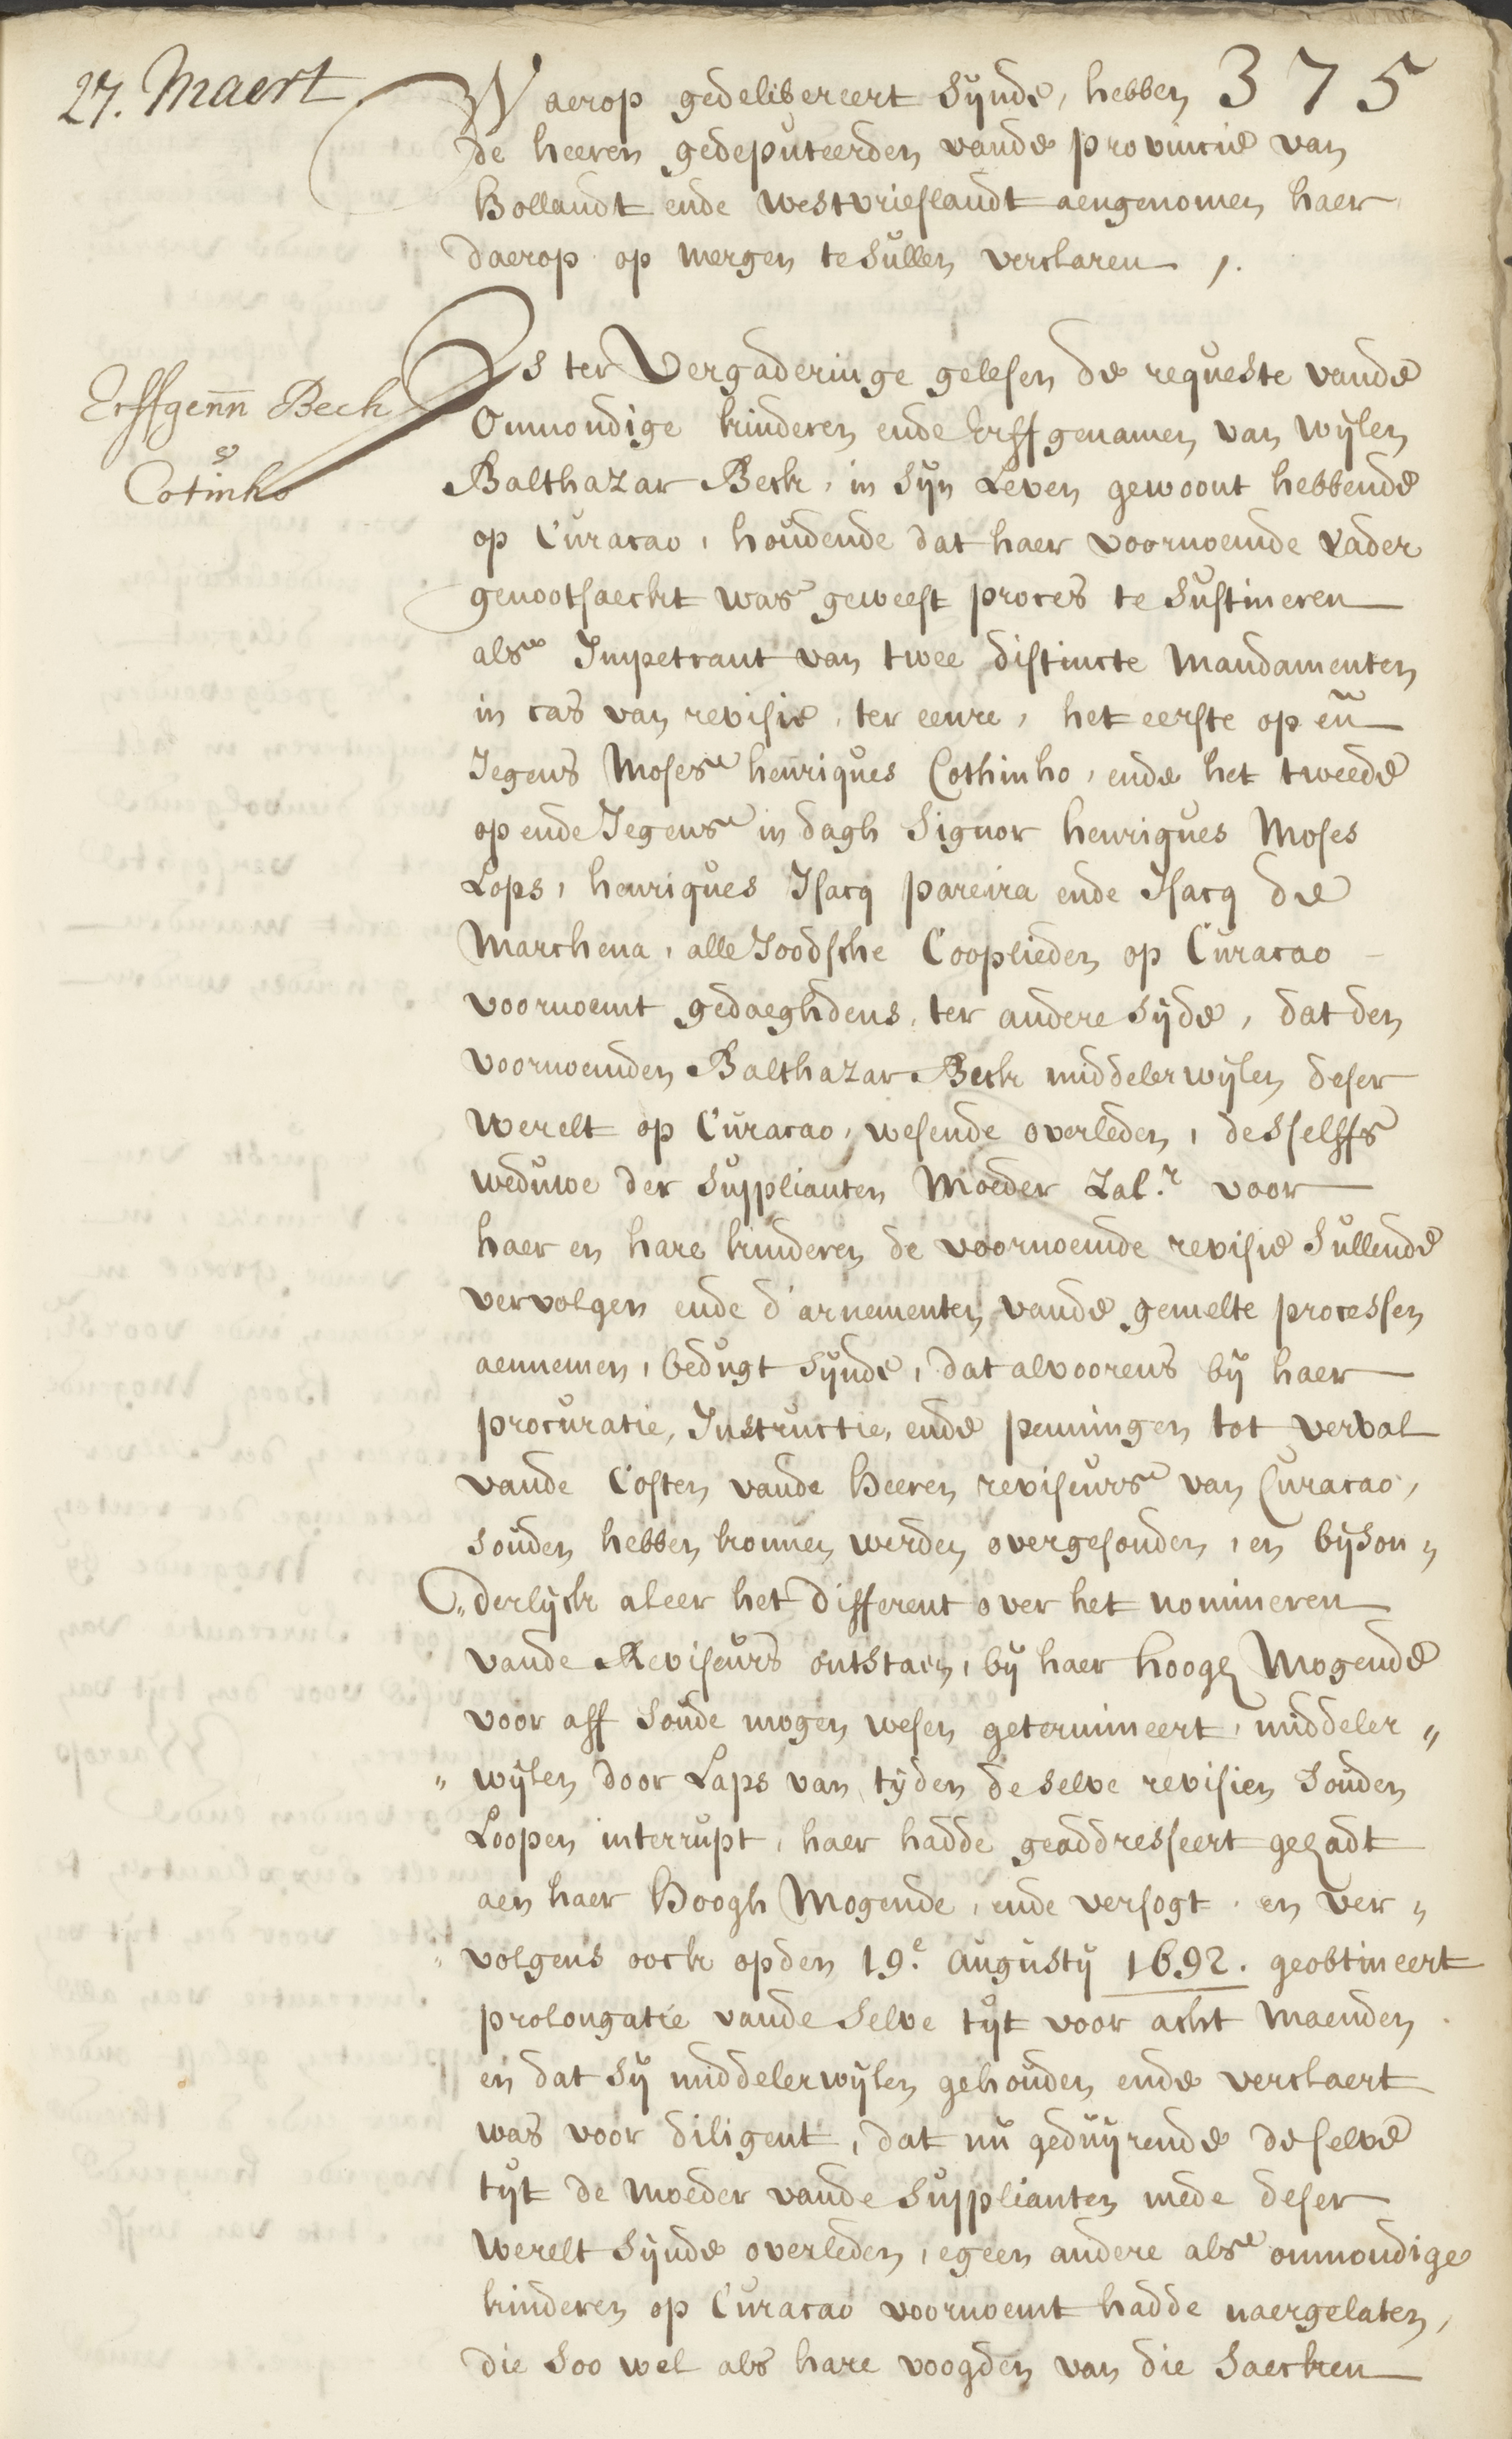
27. Maert
375
Waerop gedelibereert sijnde, hebben
de heeren gedeputeerden vande provincie van
Hollandt, ende Westvrieslandt aengenomen haer
daerop op mergen te sullen verclaren.
Erffgenn Beck ca.
Cotinho
Is ter Vergaderinge gelesen de requeste vande
Onmondige kinderen ende Erffgenamen van wijlen
Balthazar Beck, in sijn Leven gewoont hebbende
op Curacao, houdende dat haer voornoemde vader
genootsaeckt was geweest proces te sustineren
als Impetrant van twee distincte Mandamenten
in cas van revisie, ter eenre, het eerste op en
Jegens Moses henriques Cothinho, ende het tweede
op ende Jegens in dagh Signor henriques Moses
Lops, henriques Isacq pareira ende Isacq de
Marchena, alle Joodsche Cooplieden op Curacao
voornoemt gedaeghdens, ter andere sijde, dat den
voornoemden Balthazar Beck middelerwijlen deser
werelt op Curarao, wesende overleden, desselffs
weduwe der Supplianten Moeder Zalr. voor
haer en hare kinderen de voornoemde revisie sullende
vervolgen ende d'arnementen vande gemelte processen
aennemen, bedugt sijnde, dat alvoorens bij haer
procuratie, Instructie, ende penningen tot verval
vande costen vande Heeren reviseurs van Curacao,
souden hebben konnen werden overgesonden, en bijson„
„derlijck aleer het different over het nomineren
vande Reviseurs ontstaen, bij haer hoogh Mogende
voor aff soude mogen wesen getermineert, middeler„
„wijlen door Laps van tijden deselve revisien souden
Loopen interrupt, haer hadde geaddresseert gehadt
aen haer Hoogh Mogende, ende versogt, en ver„
„volgens oock opden 19e. Augustij 1692. geobtineert
prolongatie vande selve tijt voor acht Maenden
en dat sij middelerwijlen gehouden ende verclaert
was voor diligent, dat nu geduijrende deselve
tijt de moeder vande supplianten mede deser
werelt sijnde overleden, egeen andere als onmondige
kinderen op Curacao voornoemt hadde naergelaten,
die soo wel als hare voogden van die saecken
